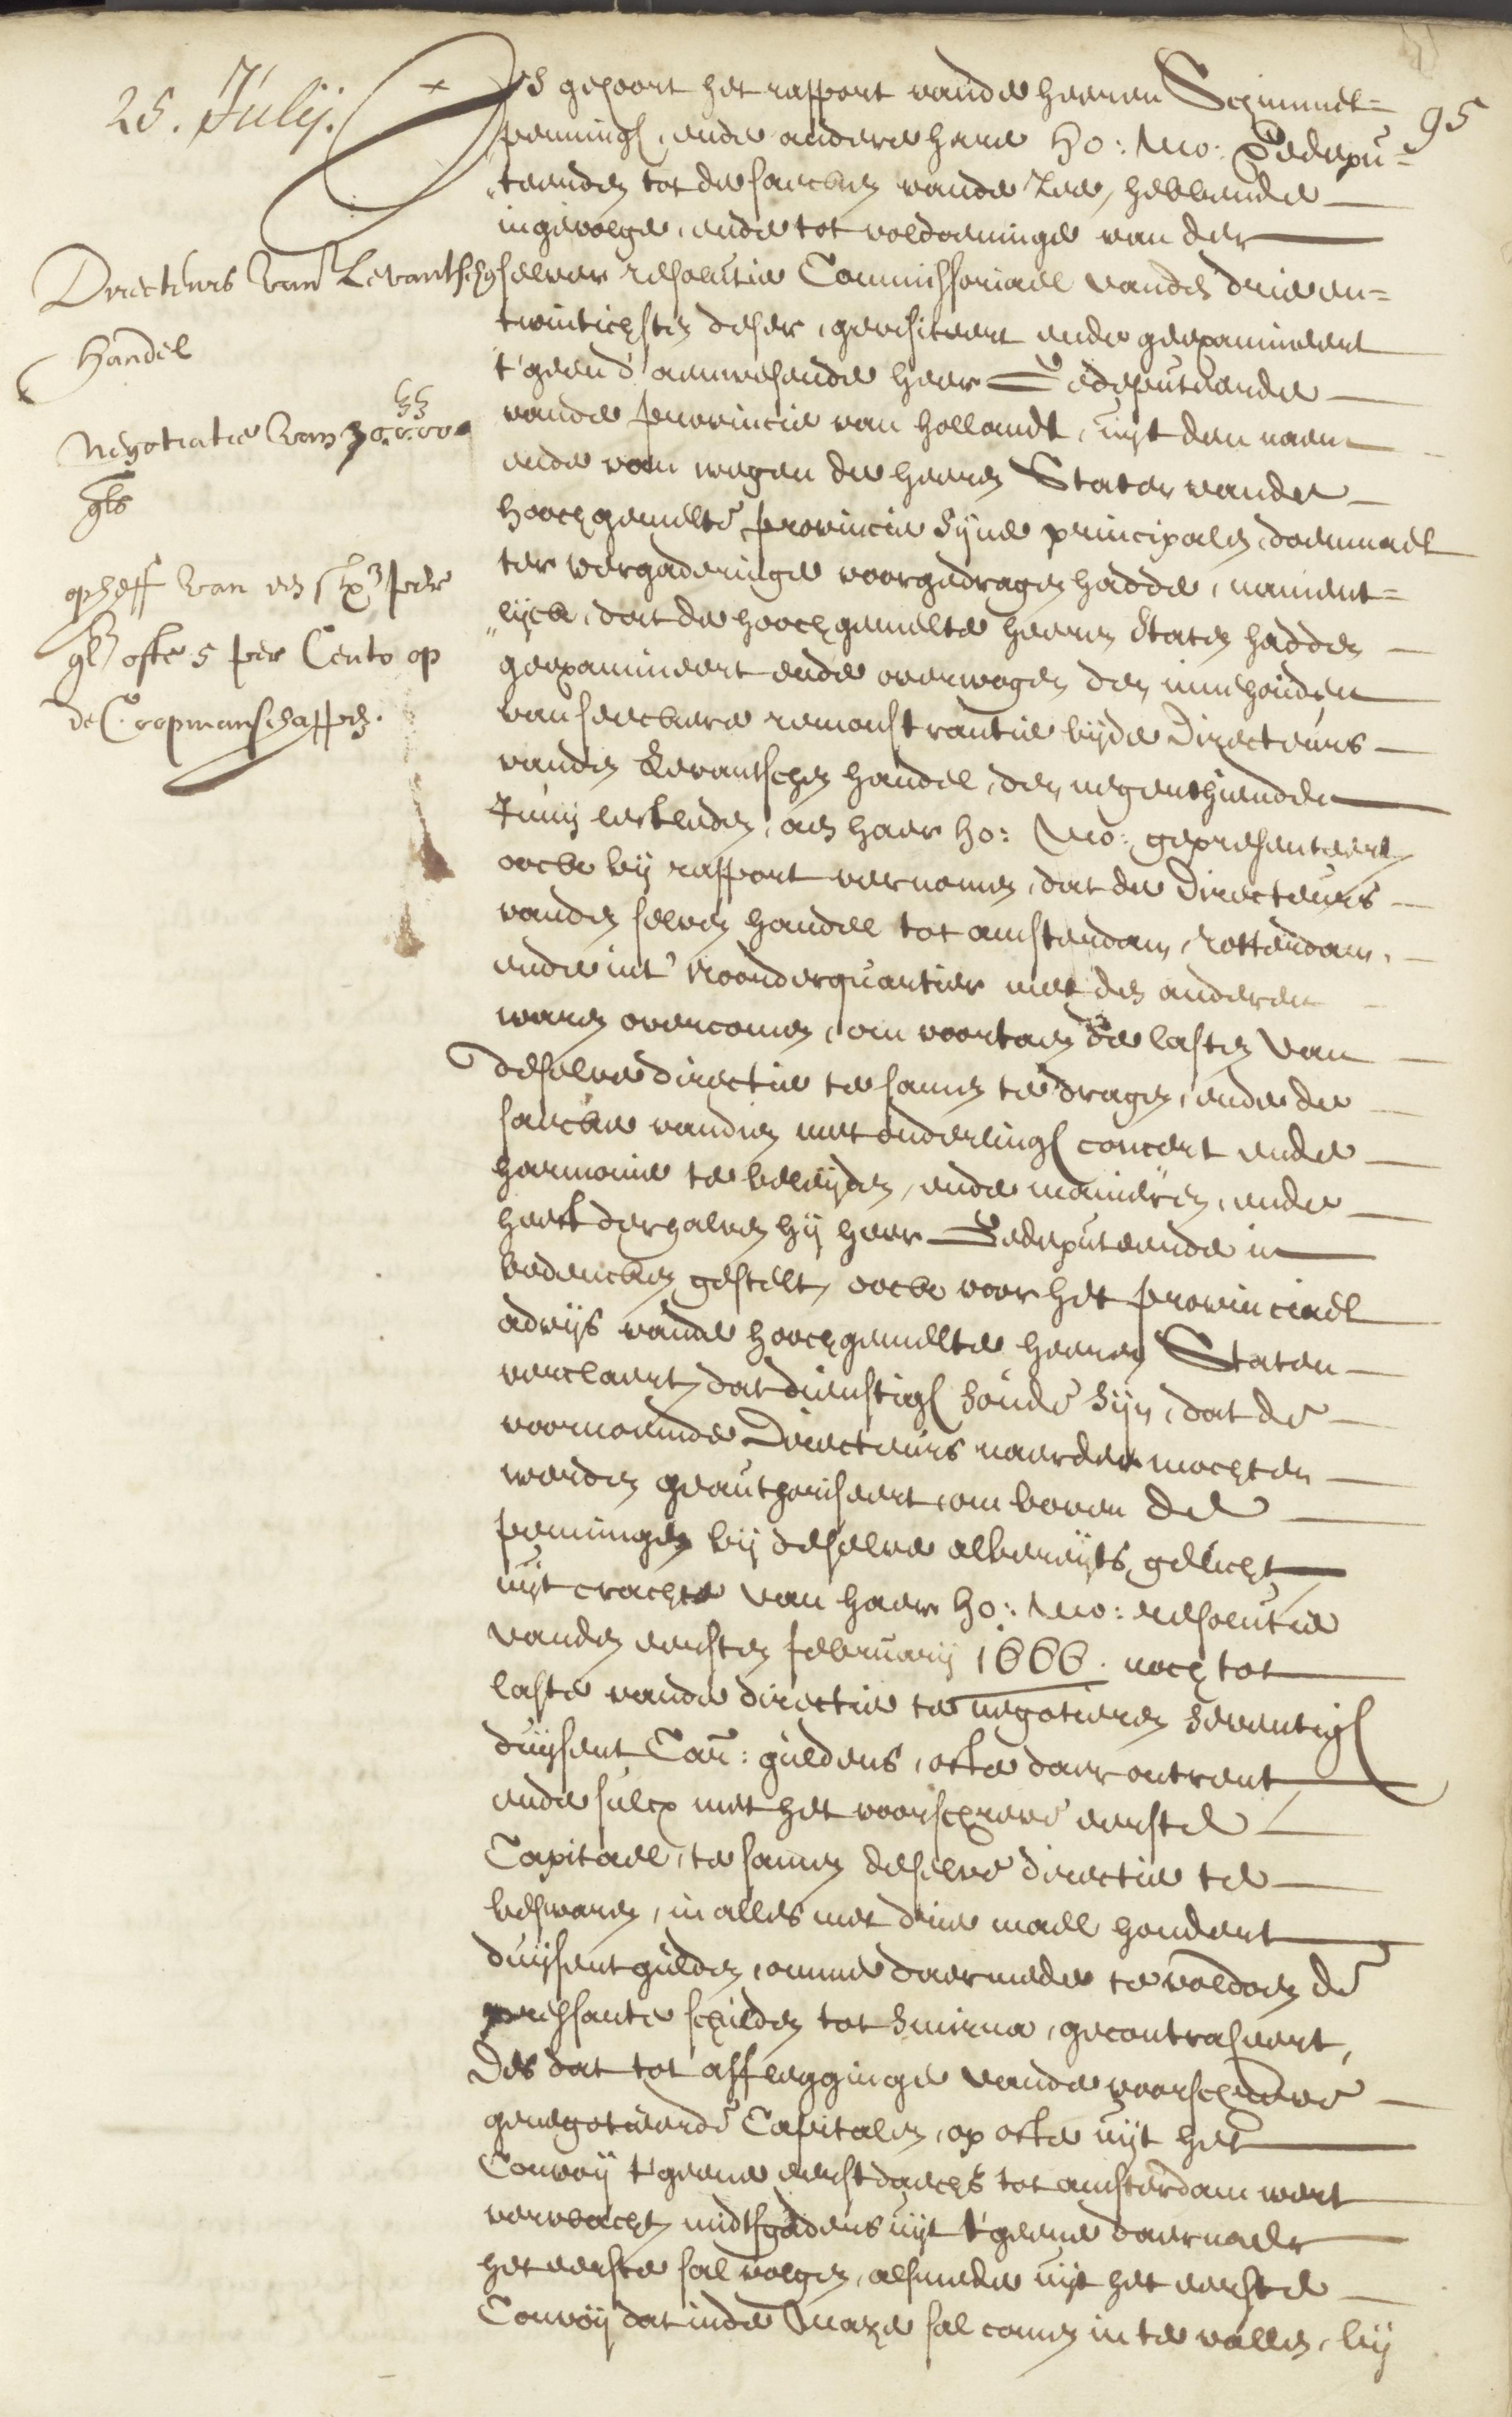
95
25. Julij.
Directeurs van Levantschen
handel
??
negotiatie van 70.000.
gls
opheff van een ?x per
gl ofte 5 per Cento op
de Coopmanschappen.
Is gehoort het rapport vande heeren Schimmel=
penningh, ende andere hare Ho:Mo: Gedepu -
teerden tot de saecken vande Zee, hebbende —
ingevolge, ende tot voldoeninge van der
selver resolutie Commissoriael vanden drie en=
twintichsten deser, gevisiteert ende geexamineert
t'geen d'aenwesende heer Gedeputeerde —
vande Provincie van hollandt, uijt den naem —
ende van wegen de heeren Staten vande
hoochgemelte Provincie sijne principalen, daermael
ter vergaderinge voorgedragen hadde, nament=
,,lijck, dat de hoochgemelte heeren Staten hadden —
geexamineert ende overwogen den innehouden
van seeckere remonstrantie bijde Directeurs —
vanden Levantschen handel, den negenthienden
Junij lestleden, aen haer Ho:Mo: gepresenteert
oock bij rapport vernomen, dat de Directeurs —
vanden selven handel tot amsterdam, rotterdam, —
ende int' Noorderquartier met den anderen —
waren overcomen, om voortaen de lasten van —
deselve directie te samen te dragen, ende de —
saecke vandien met onderlingh concert ende —
harmonie te beleijden, ende manieren, ende —
heeft derhalven hij heer Gedeputeerde in
bedencken gestelt, oock voor het Provinciael
advijs vande hoochgemelte heeren Staten —
verclaert dat dienstigh soude sijn, dat de —
voornoemde Directeurs naerder mochten —
werden geauthoriseert, om boven de —
penningen bij deselve albereijts gelicht,
uijt crachte van haer Ho:Mo: resolutie
vanden eersten februarij 1666 noch tot
laste vande directie te negotieren seventigh
duijsent Car: guldens, ofte daer ontrent
ende sulcx met het voorschreve eerste —
Capitael, te samen deselve directie te —
beswaren, in alles met drie mael hondert
duijsent gulden, omme daermede te voldoen de
pressante schulden tot Smirna, gecontraheert.
Des dat tot afflegginge vande voorschreve —
genegotieerde Capitalen, op ofte uijt het
Convoij t'geene eerstdaechs tot amsterdam wert
verwacht midtsgaders uijt t'geene daernaer
het eerste sal volgen, alsmede uijt het eerste —
Convoij dat inde Maze sal comen in te vallen, bij
